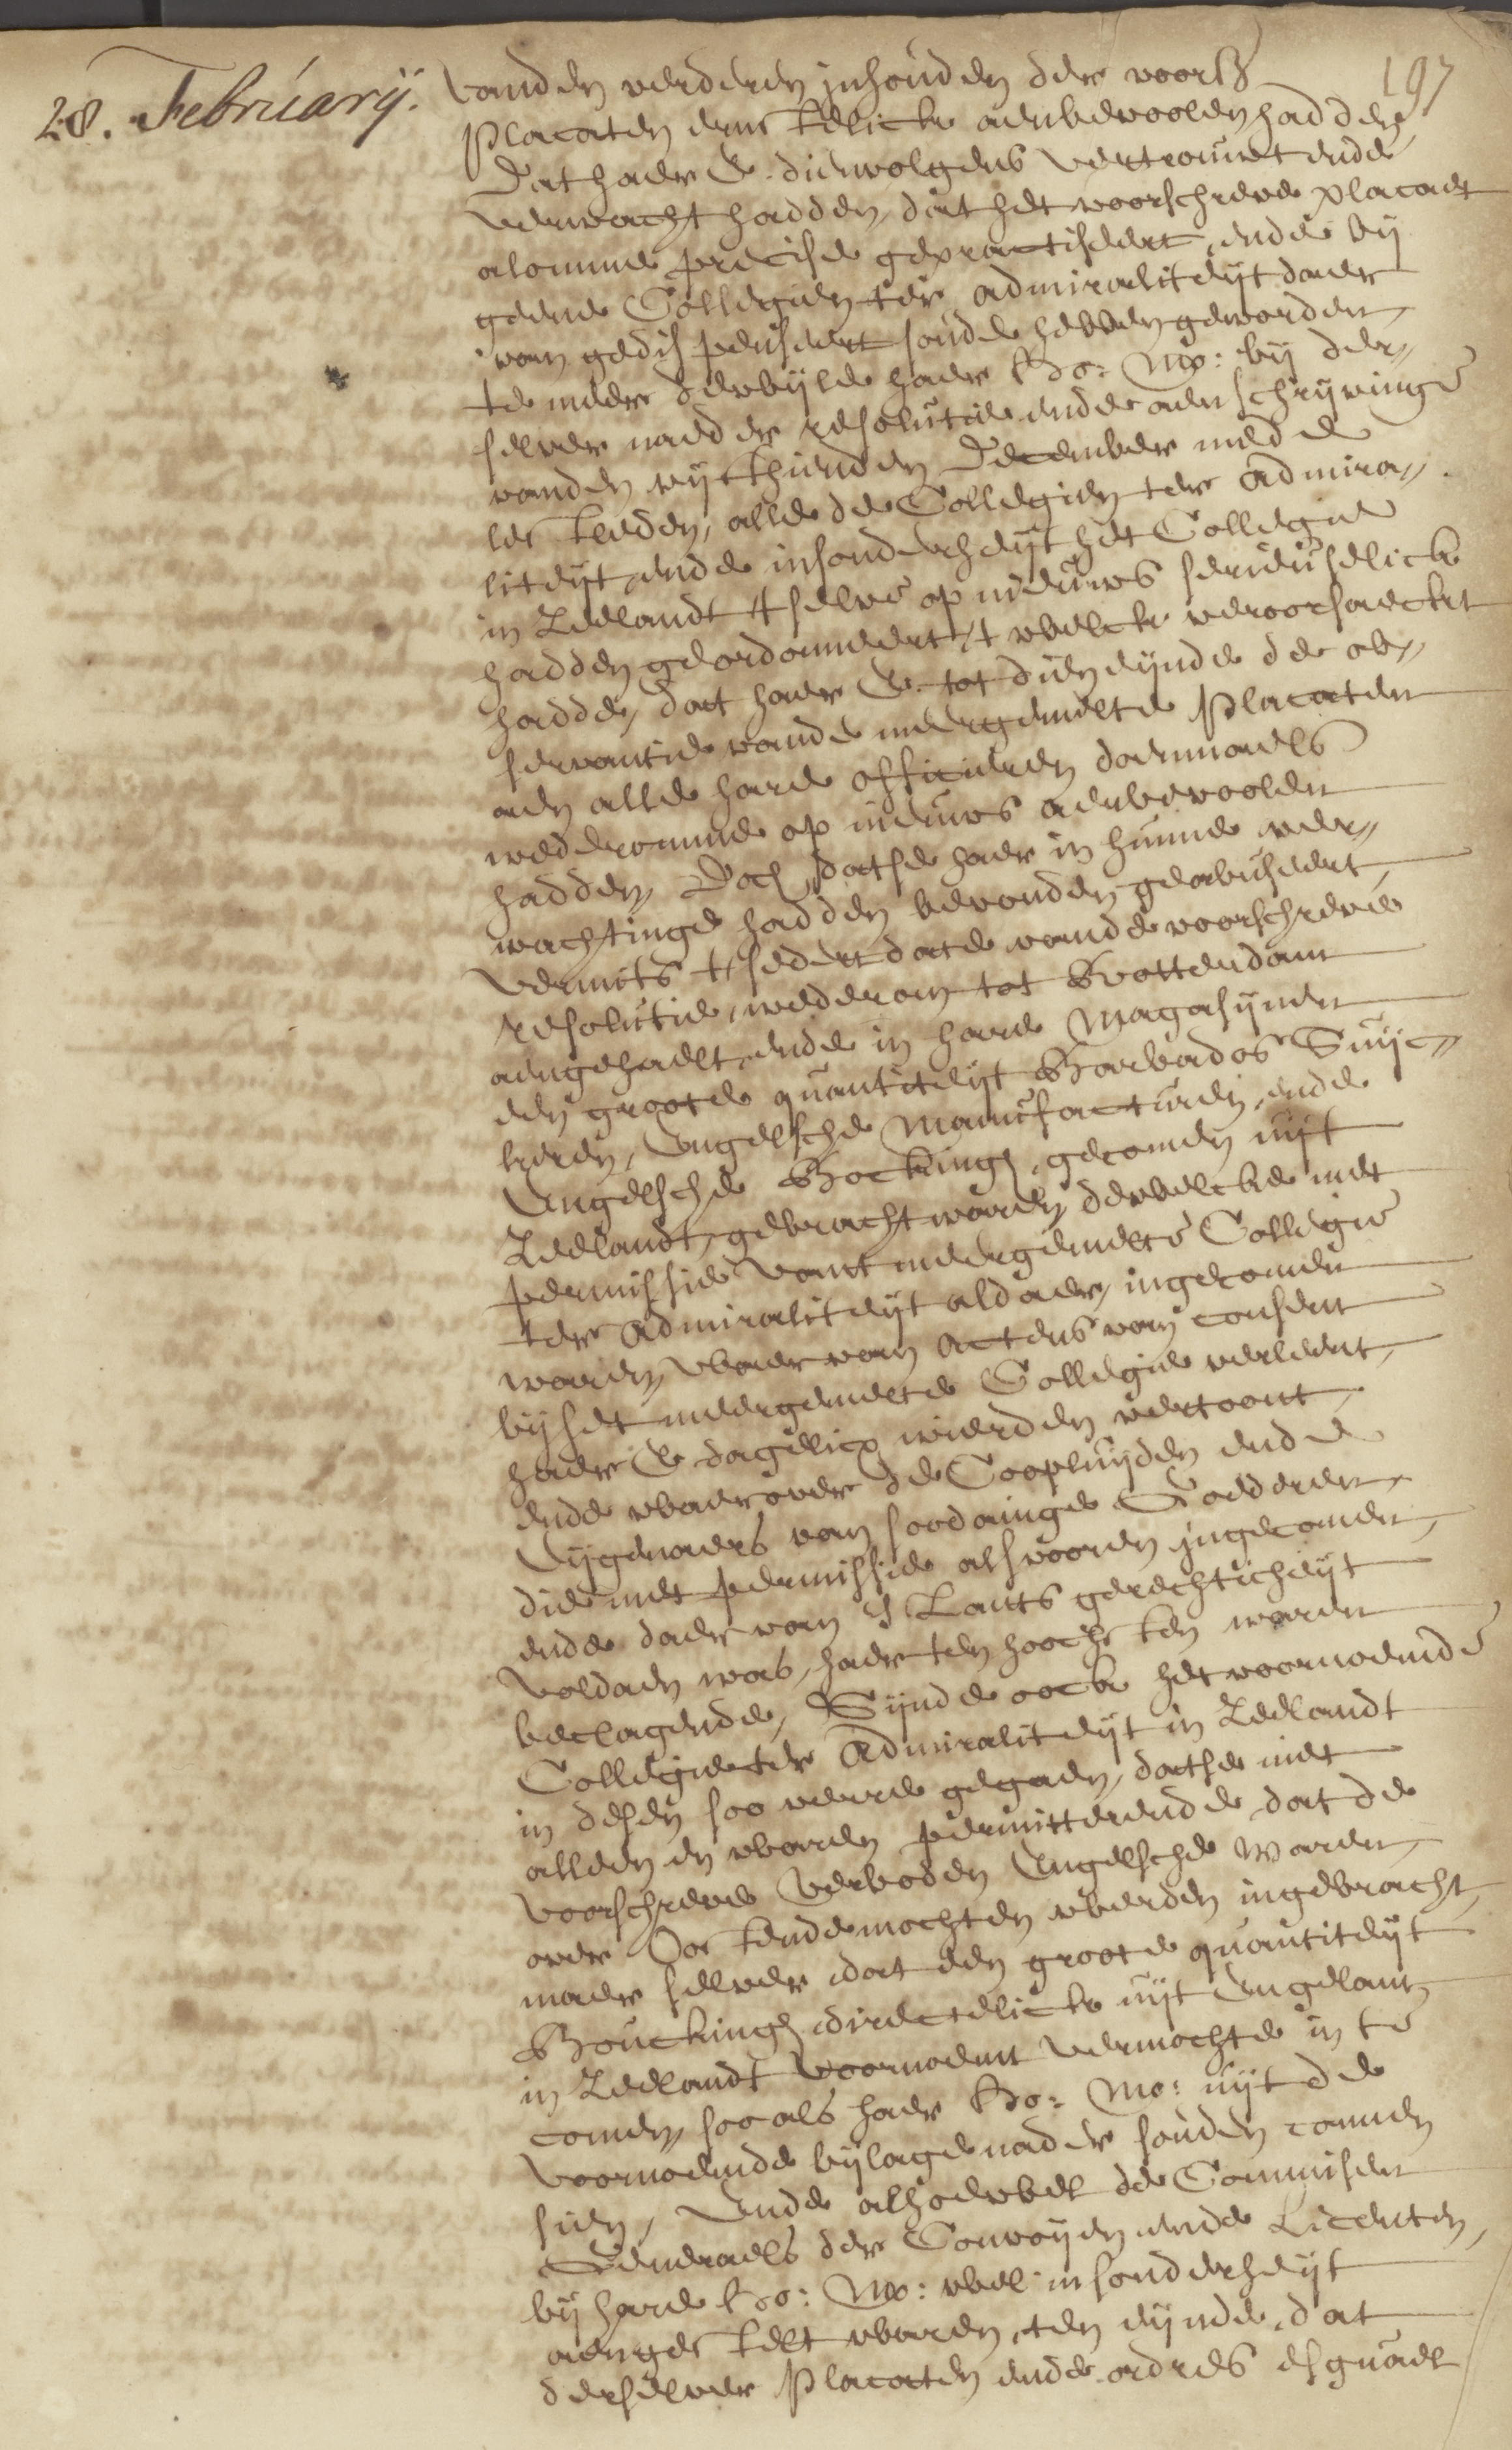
197
28. Februarij.
vanden verderen inhouden der voors
Placaten ernstelick aenbevoolen hadden,
Dat haer E. dienvolgens vertrouwt ende
verwacht hadden, dat het voorschreve placaet
alomme precise gepractiseert ende bij
geene Collegien ter Admiraliteijt daer
’van gedispenseert soude hebben geworden,
te meer dewijle haer Ho:Mo: bij der„
selven naeder resolutie ende aenschrijvinge
vanden vijfthienden December mede
lestleden, alle de Collegien ter Admira„
liteijt, ende insonderheijt het Collegie
in Zeelandt 't selve op nieuws serieuselick
hadden geordonneert, ‛t welck veroorsaeckt
hadde, dat haer E. tot dien eijnde de ob„
servantie vande meergemelte Placaten
aen alle hare officieren doenmaels
wederomme op nieuws aenbevoolen
hadden, Doch datse haer in hunne ver„
wachtinge hadden bevonden geabuseert,
vermits, t‛sedert date vande voorschreve
resolutie, wederom tot Rotterdam
aengehaelt, ende in hare magasijnen
een groote quantiteijt Barbados Suijc„
keren, Engelsche Manufacturen, ende
Engelsche Bockingh, gecomen uijt
Zeelandt, gebracht waren, dewelcke met
permissie vant meergemelte Collegie
ter Admiraliteijt aldaer, ingecomen
waren, waervan Actens van consent
bij het meergemelte Collegie verleent,
haer E. dagelicx wierden vertoont,
ende waerover de Coopluijden ende
Eijgenaers van soodanige Goederen,
die met permissie alsvooren ingecomen,
ende daer van ‛s Lants gerechticheijt
voldaen was, haer ten hoochsten waren
beclagende. Sijnde oock het voornoemde
Collegie ter Admiraliteijt in Zeelandt
in desen soo verre gegaen, datse niet
alleen en waren permitterende, dat de
voorschreve verboden Engelsche Waren,
over Oostende mochten werden ingebracht,
maer selver, dat den groote quantiteijt
Bouckingh, directelick uijt Engelant,
in Zeelandt voornoemt vermochte in te
comen, soo als haer Ho:Mo: uijt de
voornoemde bijlage nader souden connen
sien. Ende alhoewel de Commisen
Generaels der Convoijen ende Licenten,
bij hare Ho:Mo: wel insonderheijt
aengestelt waren, ten eijnde, dat
derselver Placaten ende ordres esquael
